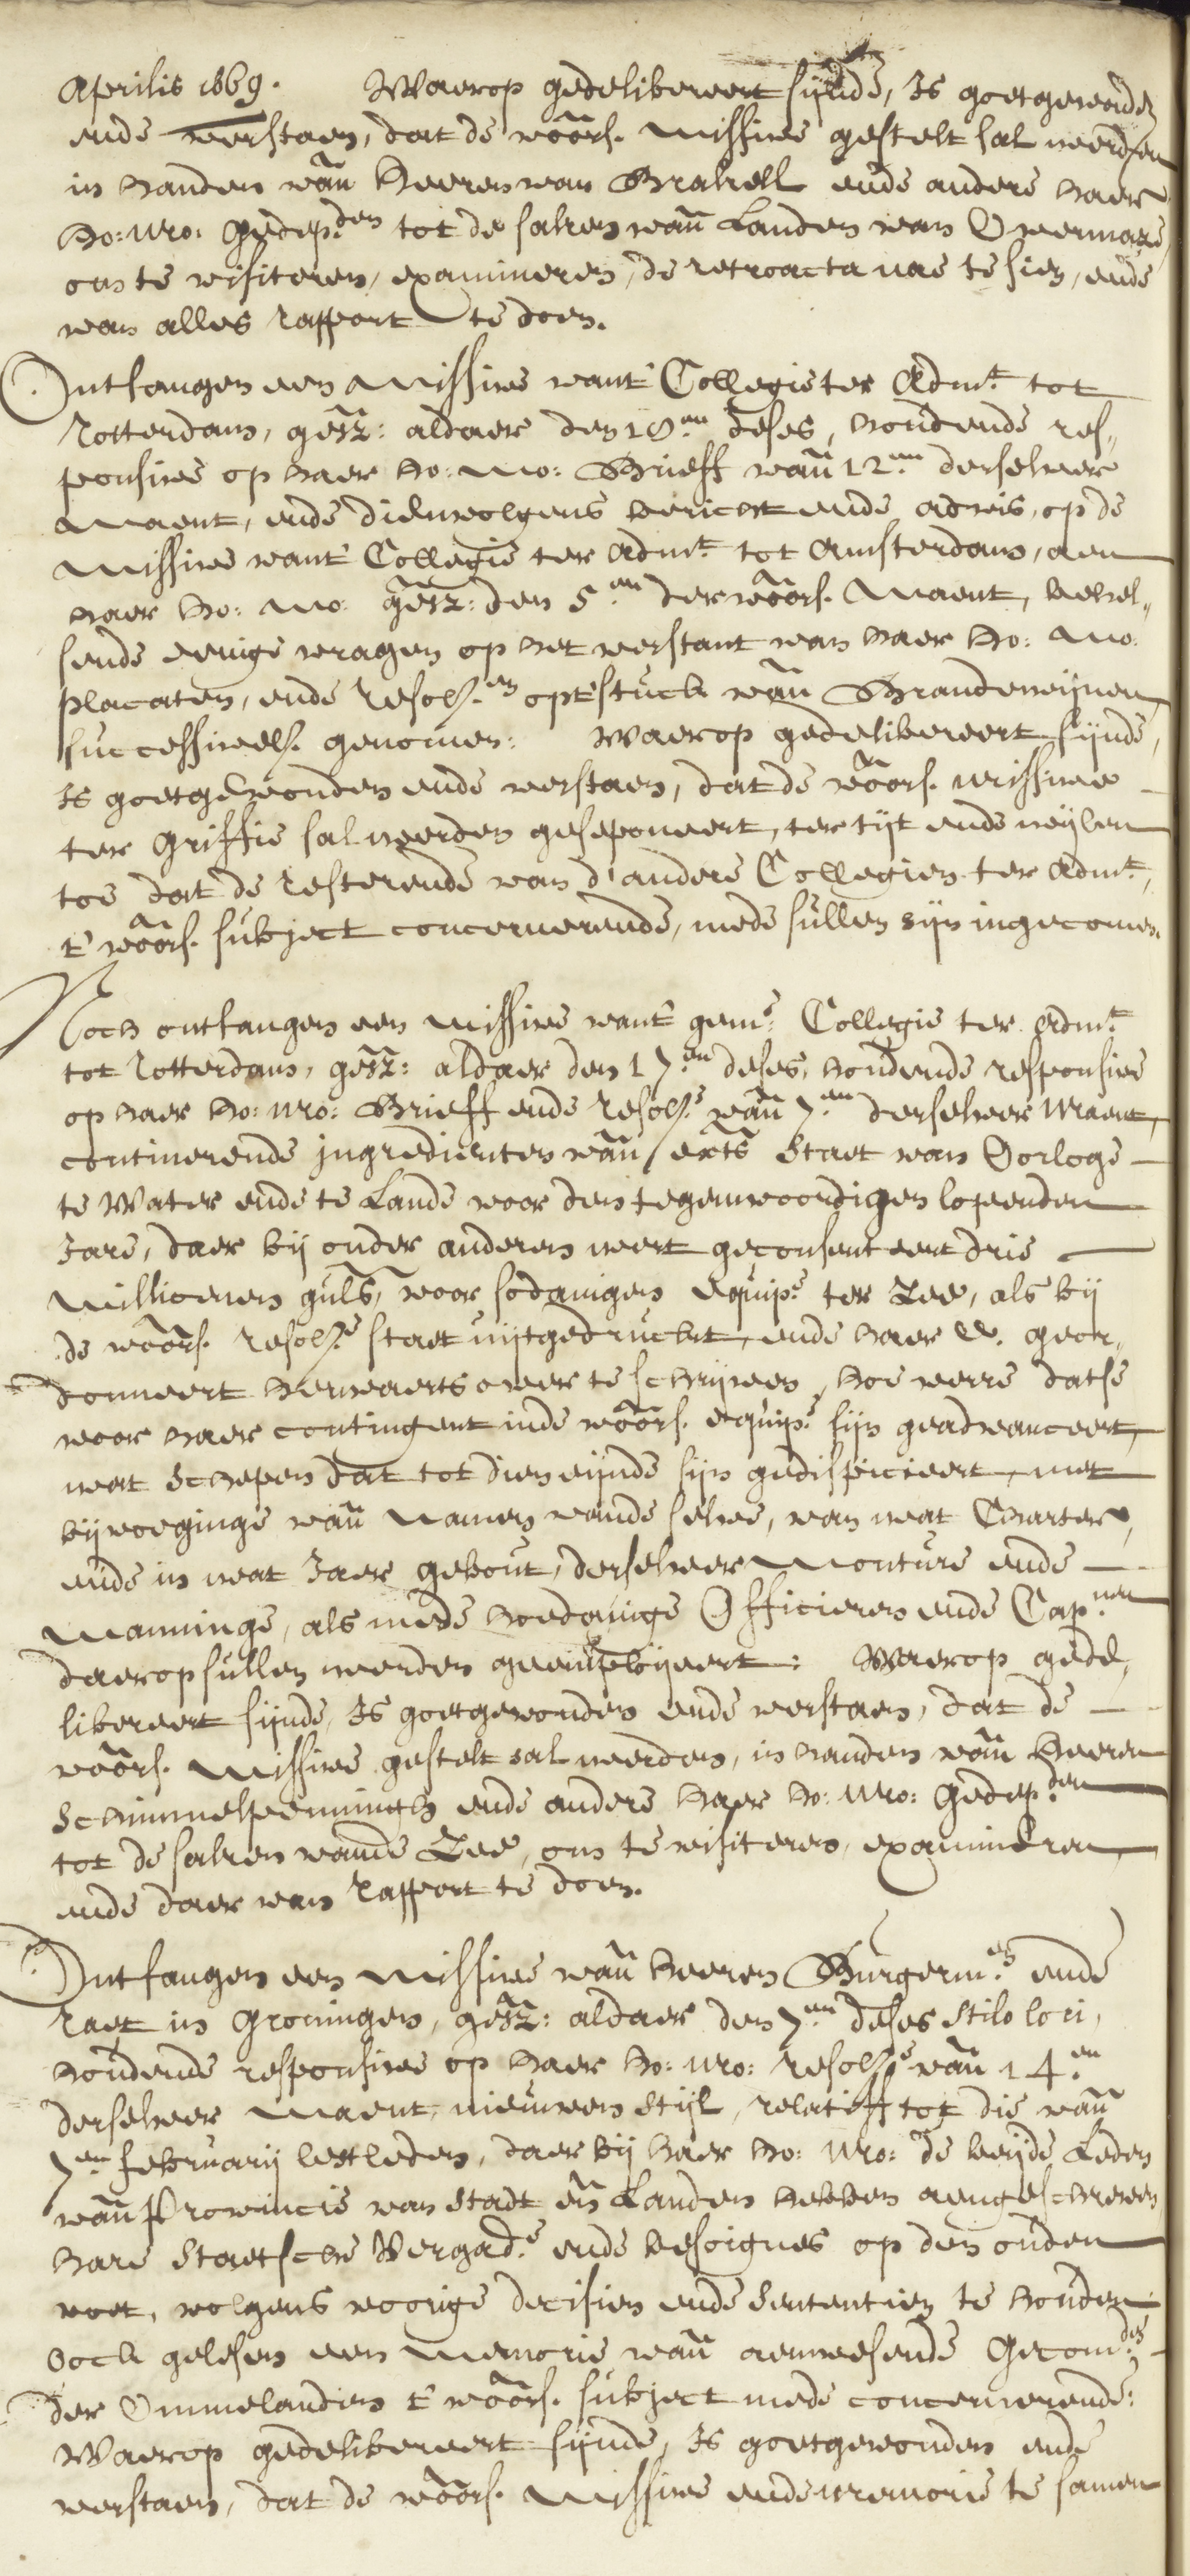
Aprilis 1669. Waerop gedelibeert sijnde, Is goetgevonden
ende verstaen, dat de voors. missive gestelt sal werden
in handen van Heeren van Brakell ende andere haer
Ho:Mo: gedep.den tot de saken van Landen van Overmaze
om te visiteren, examineren, de retroacta nae te sien, ende
van alles rapport te doen.
Ontfangen een missive vant' Collegie ter Admt tot
rotterdam, gesr. aldaer den 18en deses, houdende res„
ponsive op haer Ho:Mo: Brieff van 12en derselver
maent, ende dienvolgens bericht ende advis op de
missive vant' Collegie ter Admt tot Amsterdam, aen
haer Ho:Mo: gesr: den 5en der voors. maent, betref„
fende eenige vragen op het verstant van Haer Ho:Mo:
placaten, ende resol.en opt' stuck van Brandewijnen
successivel. genomen. Waerop gedelibereert sijnde,
Is goetgevonden ende verstaen, dat de voors. missive
ter griffie sal worden geseponeert, ter tijt ende wijlen
toe dat de resterende van d'andere Collegien ter Admt.
ter voors. subject concernerende, mede sullen sijn ingecomen.
Noch ontfangen een missive van t' geme. Collegie ter admt
tot Rotterdam, gesr. aldaer den 17en deses, houdende responsive
op haer Ho:Mo: Brieff ende resol. van 7en derselver maent
continerende ingredienten van exts Staet van oorloge —
te Water ende te Lande voor den tegenwoordigen lopenden
Jare, daer bij onder anderen wert geconsenteert drie
millioenen guls voor sodanigen Equipe. ter Zee, als bij
de voors. resole. staet uijtgedruckt, ende haer E. geor„
donneert herwaerts over te schrijven, hoe verre datse
voor haer contingent in de voors. Equipe. sijn geadvanceert,
wat schepen dat tot dien eijnde sijn gedispicieert, met
bijvoeginge van namen vande selve, van wat charter
ende in wat Jaer gebout, derselve monture ende —
manninge, als mede hoedanige officieren ende Cap.nen
daerop sullen worden geemploijeert. Waerop gede„
libereert sijnde, Is goetgevonden ende verstaen dat de
voors. missive gestelt sal werden in handen van Heeren
Schimmelpenningh ende andere haer Ho:Mo: Gedep.den
tot de saken van de Zee, om te visiteren, examineren
ende daer van rapport te doen.
Ontfangen een missive van heeren Burgerm.en ende
raet in Groningen gesr. aldaer den 7en deses stilo loci
houdende responsive op haer Ho: Mo: resol.e van 14.en
derselver maent, nieuwen stijl, relatiff tot die van
7en februarij lestleden, daer bij haer Ho:Mo: de beijde Leden
van Provincie van Stadt en Landen hebben aengeschreven
hare Staetsche Vergad.e ende besoignes op den ouden
voet, volgens voorige decisien ende sententien te houden.
Oock gelesen een memorie van aenwesende Gecom.den
der Ommelanden t' voors. subject mede concernerende:
Waerop gedelibereert sijnde, Is goetgevonden ende
verstaen, dat de voors. missive ende memorie te samen
